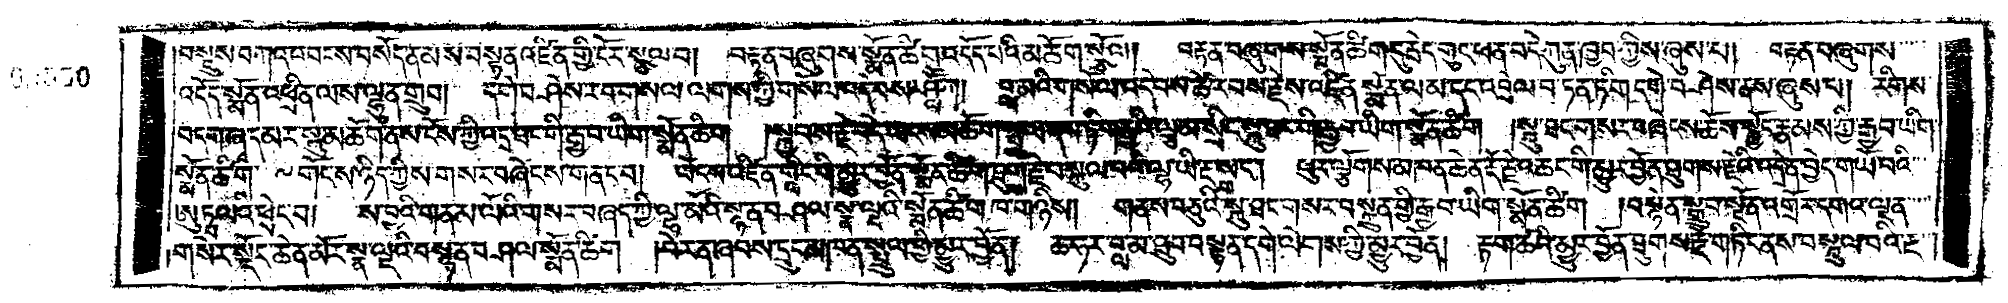བསྡུས་བཀའ་འབངས་བསོད་ནམས་བསྟན་འཛིན་གྱི་ངོར་སྩལ་བ། བརྟན་བཞུགས་སྨོན་ཚིག་འདོད་པའི་མཆོག་སྩོལ། བརྟན་བཞུགས་སྨོན་ཚིག་དུ་རྦེད་གུང་ཕན་བདེ་ཀུན་ཁྱབ་ཀྱིས་ཞུས་པ། བརྟན་བཞུགས་
འདོད་སྨོན་འཕྲིན་ལས་ལྷུན་གྲུབ། དགེ་བཤེས་རབ་གསལ་ལགས་ཀྱི་གསོལ་འདེབས་ཤླཽ་ཀ། བླ་མའི་གསོལ་འདེབས་ཚེ་རབས་རྗེས་འཛིན་སྨོན་ལམ་དང་འབྲེལ་བ་ཏན་ཏིག་དགེ་བཤེས་ནས་ཞུས་པ། རིགས་
བདག་ཞྭ་དམར་སྐུ་མཆོག་ནས་ངོས་ཀྱི་འདྲ་ཐང་གི་རྒྱ་བ་ཡིག་སྨོན་ཚིག །སྐྱབས་རྗེ་བདེ་ཡངས་མཆོག་སྤྲུལ་ནས་ཏིག་རྒྱའི་ལྕམ་སྲིང་སྐུ་ཐང་གི་རྒྱབ་ཡིག་སྨོན་ཚིག །སྐུ་ཐང་གསར་བཞེངས་ཆོས་སྐྱོང་རྣམས་ཀྱི་རྒྱབ་ཡིག་
སྨོན་ཚིག ༧་གོང་ས་ཉིད་ཀྱིས་གསར་བཞེངས་གནང་བ། ཡོངས་འཛིན་གླིང་གི་མྱུར་བྱོན་སྨོན་ཚིག་ཐུགས་རྗེ་བསྐུལ་བའི་ལྷ་ཡི་རྔག་གསང་། ཕུར་ལྕོགས་མཁན་ཆེན་རྡོ་རྗེ་འཆང་གི་མྱུར་བྱོན་ཐུགས་རྗེའི་འདྲེན་བྱེད་གཡོ་བའི་
ཨུཏྤལའི་ཕྲེང་བ། ས་བྱའི་གནམ་ལོའི་གསར་བཞད་ཀྱི་ལྷ་མོའི་སྙན་བཤལ་སྣ་ལྔའི་སྨོན་ཚིག་ཁ་གཉིས། གནས་བཅུའི་སྐུ་ཐང་གསར་བསྐྲུན་གྱི་རྒྱབ་ཡིག་སྨོན་ཚིག །བསྙེན་སྒྲུབ་སྔོན་འགྲོར་དགའ་ལྡན་
གསེར་སྡོང་ཆེན་མོར་སྣ་ལྔའི་བསྙན་བཤལ་སྨོན་ཚིག །བེ་རན་ཞབས་དྲུང་མཁན་སྤྲུལ་གྱི་མྱུར་བྱོན། ཆ་ཧར་བླ་མ་ཐུབ་བསྟན་དགེ་ལེགས་ཀྱི་མྱུར་བྱོན། རྟག་ཚའི་མྱུར་བྱོན་ཐུགས་རྗེ་གཏིང་ནས་བསྐུལ་བའི་རྔ་